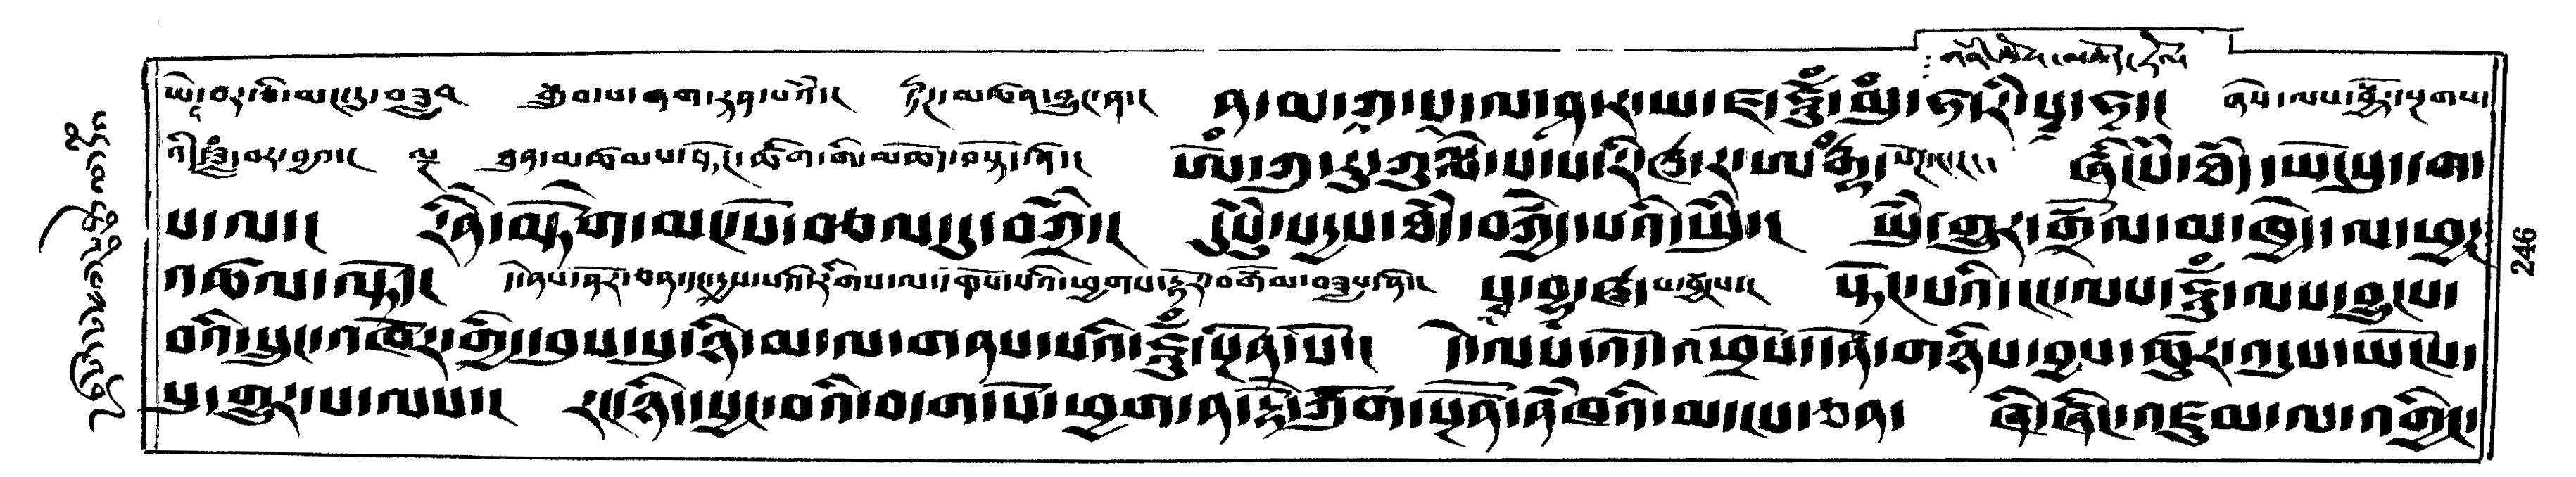ཡེངས་བར་ཅི་མང་དུ་བཟླ། སྒྲུབ་པ་ཞག་རན་པའམ། རྟགས་མཚན་བྱུང་ན། ན་མ་ཀཱ་པ་ལ་ཤ་ར་ཡ་ཛ་ཧཱུྃ་མུཾ་ཧ་རི་སྭ་ཧཱ༔ ཞེས་ལས་སྦྱོར་སྔགས་
འདི་ཟླ་བར་བྱ། ༈ ཐུན་མཚམས་སྟོང་ཚིག་གི་མཆོད་བསྟོད་ནི། ཨོཾ་ཀུ་རུ་ཀུལླེ་ས་པ་རི་ཝ་ར་ཨརྒྷཾ་སོགས་དང་། ཞིང་ཁམས་ཐམས་ཅད་ཡོངས་སུ་དག་
པ་ལ། །རིན་ཆེན་མེ་ཏོག་མང་པོ་བཅལ་དུ་བཀྲམ། །དུས་གསུམ་སངས་རྒྱས་ཐམས་ཅད་སྐྱེད་པའི་ཡུམ། །ཡུམ་གྱུར་སྒྲོལ་མ་ཁྱེད་ལ་ཕྱག་
འཚལ་བསྟོད།། དེ་ནས་ནོར་ཅན་དང་རྒྱས་པའི་རིགས་ལ་དགོས་པའི་ཕྱག་རྡོར་བསྒོམ་བཟླས་ནི། སྭ་བྷྭ་ཝ ས་སྦྱངས། སྟོང་པའི་ངང་ལས་ཧཱུྃ་ལས་བྱུང་
བའི་སྲུང་འཁོར་གྱི་དབུས་སུ་ཉི་མ་ལ་གནས་པའི་ཧཱུྃ་སྔོན་པོ། དེ་ལས་འོད་འཕྲོས་དོན་གཉིས་བྱས་ཚུར་འདུས་ཡོངས་
སུ་གྱུར་པ་ལས། རང་ཉིད་གསང་བའི་བདག་པོ་ཕྱག་ན་རྡོ་རྗེ་སྐུ་མདོག་སྔོན་པོ་ནམ་མཁའི་མདངས་ཅན། ཞི་ཞིང་འཛུམ་ལ་འགྱིང་